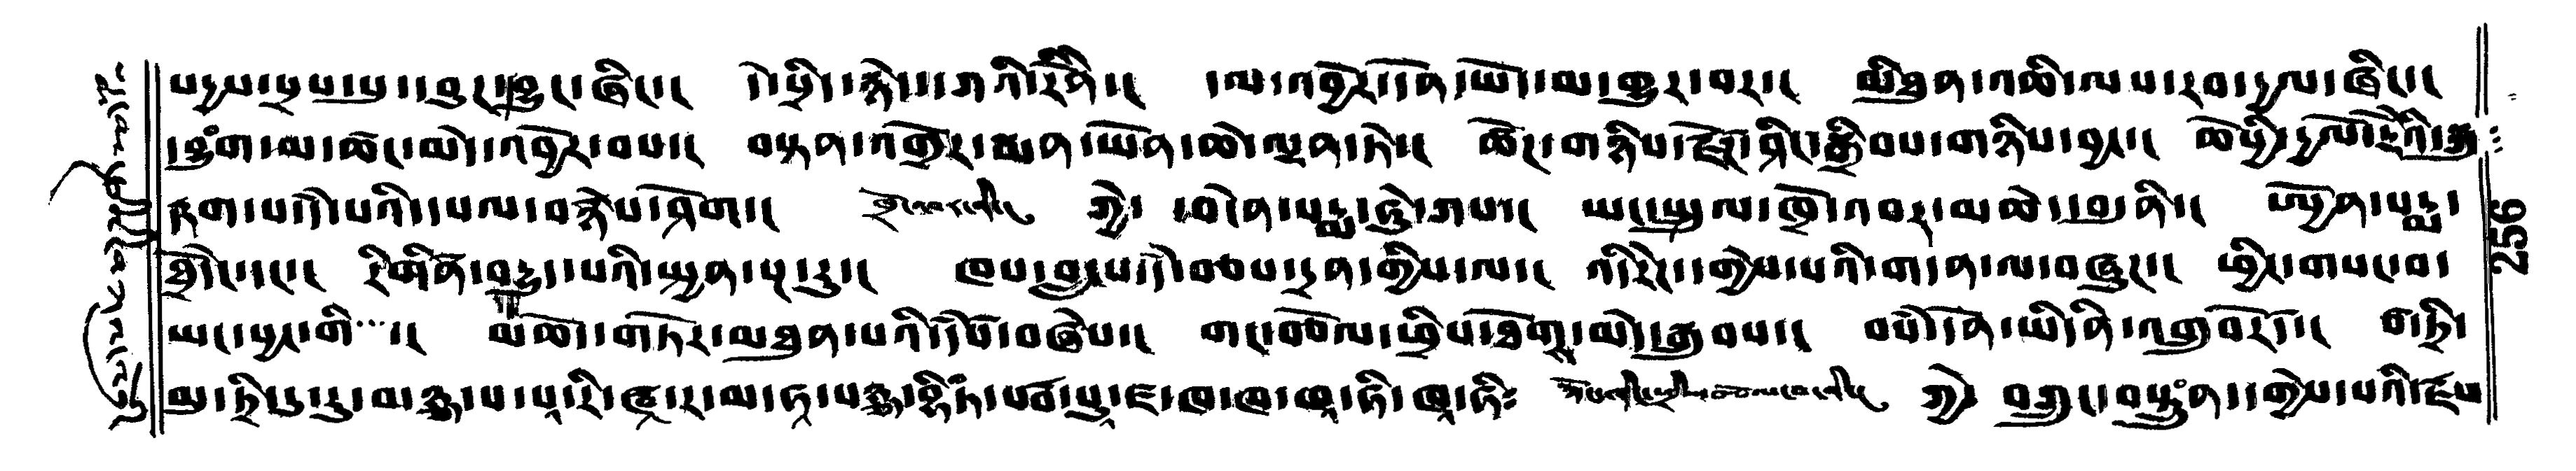།སངས་རྒྱས་སྲས་སུ་དབུགས་བྱུང་ཞིང་། །དེ་སྲིད་སྙེད་དཀའི་རིན་པོ་ཆེ། །དལ་འབྱོར་དོན་ཡོད་མ་གྱུར་བར། །མི་མཐུན་འཆི་ལས་རབ་རྒྱལ་ཞིང་། །
དབང་ཕྱུག་མ་ཚང་མེད་འབྱོར་བས། །བསྟན་འགྲོར་སྨན་ཡོན་ཆེ་ལྡན་ཏེ། །ཚོགས་གཉིས་རྫོགས་ཤིང་སྒྲིབ་གཉིས་བྱང་། །ཆོས་ཀྱི་རྒྱལ་པོ་རྡོ་རྗེའི་སྐུ། །
རྟག་པ་དམ་པའི་དཔལ་བརྙེས་ཤོག ཁྲོ་འབར་ནི། ཀྱཻ། དབང་ཆེན་པདྨ་ཧེ་རུ་ཀའི། །ཡང་སྤྲུལ་ཁྲོ་འབར་མཆེ་བདུན་ནི། །ཨོ་རྒྱན་པདྨ་
ཐོད་ཕྲེང་དང་། །རིག་འཛིན་བརྒྱུད་པའི་སྤྱན་སྔ་རུ། །ཁས་བླང་དམ་བཅས་དྲན་གྱིས་ལ། །འདིར་བཤེགས་དགྱེས་པའི་གདན་ལ་བཞུགས། །ཕྱི་ནང་གསང་བ་
ཡང་གསང་གི། །མཆོད་གཏོར་མཐུན་པའི་དམ་རྫས་བཞེས། །གང་བཅོལ་ཕྲིན་ལས་ཐོགས་མེད་སྒྲུབས། །བསམ་དོན་ཡིད་བཞིན་འགྲུབ་པར་མཛོད། །ཙ་ཏྲི་
མུ་ཏྲི་དུ་རུ་མུཉྩ་ས་པཱ་རི་ཝཱ་ར་མ་ཧཱ་པཉྩ་བྷ་ལིངྟ་སརྦ་པཱུ་ཛ་ཁ་ཁ་ཁཱ་ཧི་ཁཱ་ཧིཿ སྐོང་ཞིང་ཕྲིན་ལས་བཅོལ་བ་ནི། ཀྱཻ། བཀའ་སྲུང་བསྟན་སྲུང་དགྱེས་པའི་རྗས།